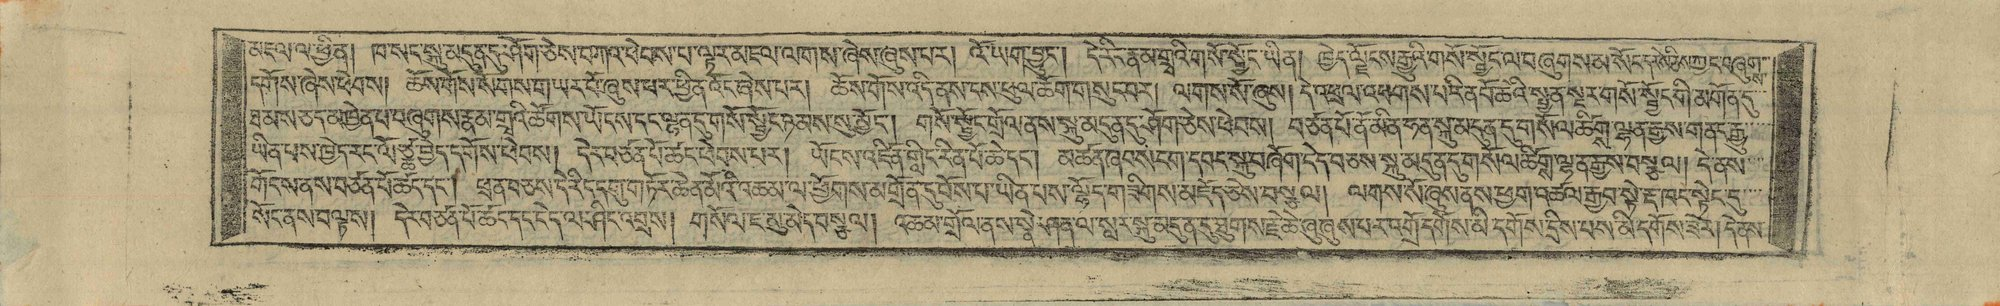མཇལ་ལ་ཕྱིན། ཁ་སང་སྐུ་མདུན་དུ་ཤོག་ཅེས་བཀའ་ཕེབས་པ་ལྟར་མཇལ་ལགས་ཞེས་ཞུས་པར། འོ་ཡག་བྱུང་། དེ་རིང་རྣམ་གྲྭའི་གསོ་སྦྱོང་ཡིན། ཁྱེད་ལྗོངས་རྒྱུའི་གསོ་སྦྱོང་ལ་བཞུགས་མ་སོང་དར་ཅིས་???་ཀྱང་བཞུགས་
དགོས་ཞེས་ཕེབས། ཆོས་གོས་སོགས་གཡར་པོ་ཞུས་པར་ཕྱིན་འོང་ཞེས་པར། ཆོས་གོས་འདི་ནས་ངས་ཕུལ་ཆོག་གསུང་བར། ལགས་སོ་ཞུས། དེ་འཕྲལ་འཕགས་པ་རིན་པོ་ཆེའི་སྤྱན་སྔར་གསོ་སྦྱོང་གི་མགོན་དུ་
ཐམས་ཅད་མཁྱེན་པ་བཞུགས་རྣམ་གྲྭའི་ཚོགས་ཡོངས་དང་ལྷན་དུ་གསོ་སྦྱོང་ཉམས་སུ་མྱོང་། གསོ་སྦྱོང་གྲོལ་ནས་སྐུ་མདུན་དུ་ཤོག་ཅེས་ཕེབས། བཙན་པོ་ནོ་མིན་ཧན་སྐུ་མདུན་དུ་གསོལ་ཚིགས་ལྷན་རྒྱས་གནང་རྒྱུ་
ཡིན་པས་ཁྱེད་རང་ལོ་ཙྪ་བྱེད་དགོས་ཕེབས། དེར་བཙན་པོ་ཚང་ཕེབས་པར། ཡོངས་འཛིན་གླིང་རིན་པོ་ཆེ་དང་། མཚན་ཞབས་ངག་དབང་སྐུ་བཞོག་ངེད་བཅས་སྐུ་མདུན་དུ་གསོལ་ཚིགས་ལྷན་རྒྱས་བསྩལ། དེ་ནས་
གོང་ས་ནས་བཙན་པོ་ཚང་དང་། ཕྲན་བཅས་དེ་རིང་དགུ་གཏོར་ཆེན་མོའི་འཆམ་ལ་ཕྱོགས་མགྲོན་དུ་བོས་པ་ཡིན་པས་ལྷོད་གཟིགས་མཇོད་ཅེས་བསྩལ། ལགས་སོ་ཞུས་ནས་ཕྱག་འཚལ་རྒྱབ་སྟེ་རྔ་ཁང་སྟེང་དུ་
སོང་ནས་བལྟས། དེར་བཙན་པོ་ཚང་དང་ངེད་ལ་ཤིང་འབྲས། ངྶོལ་ཇ་མུ་མེད་བསྩལ། འཆམ་གྲོལ་ནས་སྣེ་ཤན་ལ་སླར་སྐུ་མདུན་དུ་ཐུགས་རྗེ་ཆེ་ཞུ་ཞུས་པར་འགྲོ་དགོས་མི་དགོས་དྲིས་པས་མི་དགོས་ཟེར། དེ་ནས་